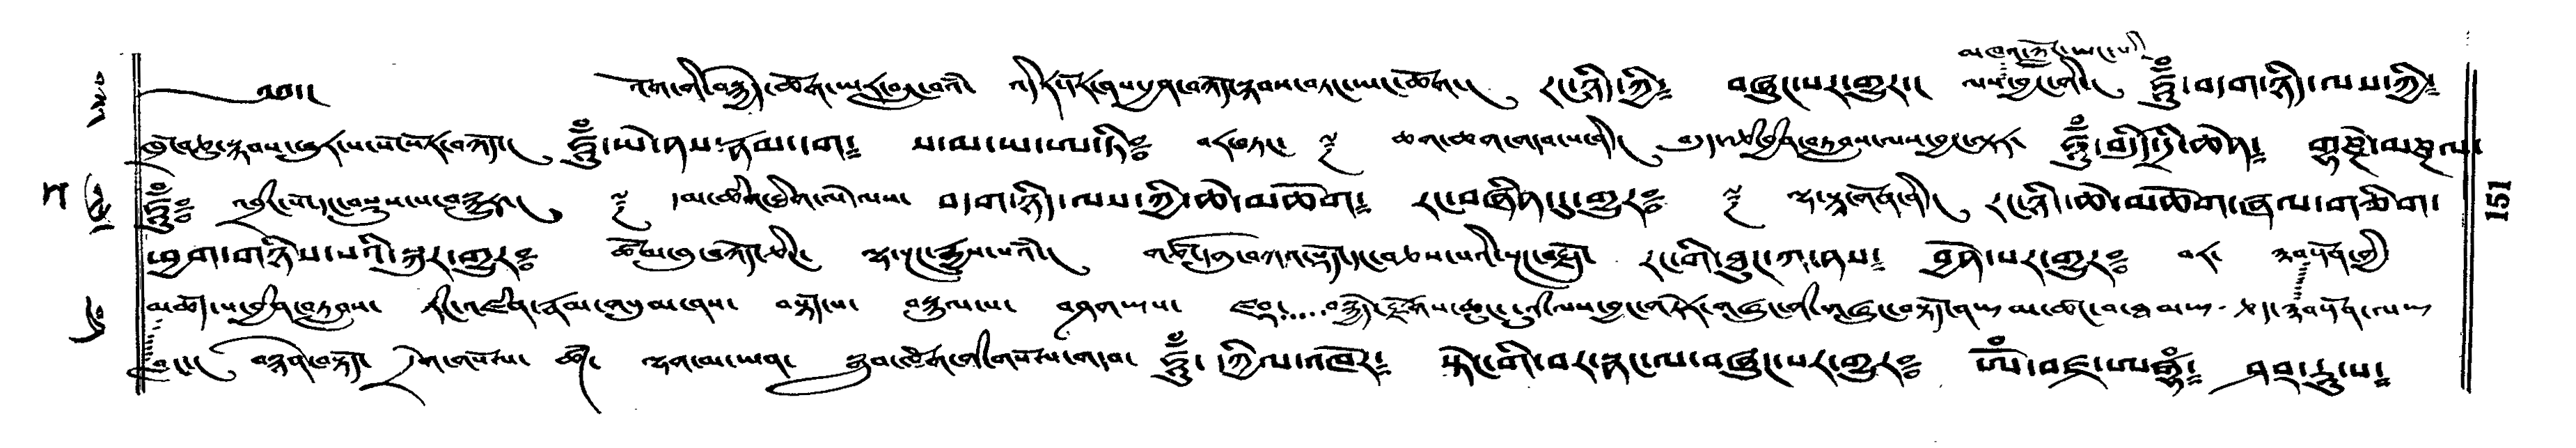འོག་གི་སྐྱེད་ཆོག་ཡར་བླང་བའམ། འདིར་དོར་ནས་རྒྱན་བཀོད་སྐབས་བཏང་ཡང་ཆོག རང་ཉིད་ཀྱི༴ བཞུགས་པར་གྱུར། ལས་མཁའ་ཀློང་ཡངས་པའི་བྱང་གི ཧཱུྃ༔ བདག་ཉིད་ལས་ཀྱི༴ 
ཁྲོ་བཅུ་སྐབས་ཕུར་པ་སོ་སོར་འཁོད། ཧཱུྃ༔ ཡེ་ནས་རྣམ་དག༴ ས་མ་ཡ་ཨ་ཏི༔ བར་བཏང་། ༈ ཆག་ཆག་གདབ་པ་ནི། བདུད་རྩི་བྱིན་རླབས་ལས་བྱང་ལྟར། ཧཱུྃ༔ བདུད་རྩི་དྲི་ཆེན༴ གྷཎྜེ་མཎྜལ་
ཧཱུྃ༔ འབྲིང་པོ་དང་བསྡུས་པ་བསྐྱུར། ༈ དམ་ཚིག་ཐིག་ལེ་ལས། བདག་ཉིད་ལས་ཀྱི་ཆེ་མཆོག༴ རང་བཞིན་དུ་གྱུར༔ ༈ ལྷ་སྟ་གོན་ནི། རང་ཉིད་ཆེ་མཆོག་ཞལ་གཅིག་
ཕྱག་གཉིས་པའི་སྐུར་གྱུར༔ ཚོམ་བུ་བཀོད་ཅིང་།ལྷ་སྔགས་རྒྱས་པའམ། གཙོ་དགུ་བཀའ་སྡོད་དང་བཅས་པའི་སྔགས་རྗོད། རང་གི་ཐུགས་ཀ་ནས༴ བྱོན་པར་གྱུར༔ བར། ཟབ་དོན་གྱི་
མཆོད་པ་བྱིན་རླབས། ཏིང་འཛིན་རྣམ་གསུམ་ནས། བསྟོད་པ། བསྐུལ་པ། བཤགས་པ། ཛབ་དགོངས། བསྐྱེད་རྫོགས་ཆུང་ངུའི་ལས་བྱང་གཏེར་གཞུང་གི་གཞུང་བསྟོད་ནས་མ་ཚང་བ་ཐམས་ཅད་ཟབ་དོན་ལས་
བླང་། སྙེན་བསྟོད། དྲེགས་གསོལ། ཚོགས། ལྷག་མ་ཡན། སྒྲུབ་ཁོག་གི་གསོལ་གདབ། ཧཱུྃ༔ དཀྱིལ་འཁོར༴ སྟེང་གི་བར་སྣང་ལ་བཞུགས་པར་གྱུར༔ ཨོཾ་བཛྲ་ཨརྒྷཾ༴ ཤབྡ་རཱུ་པ༴